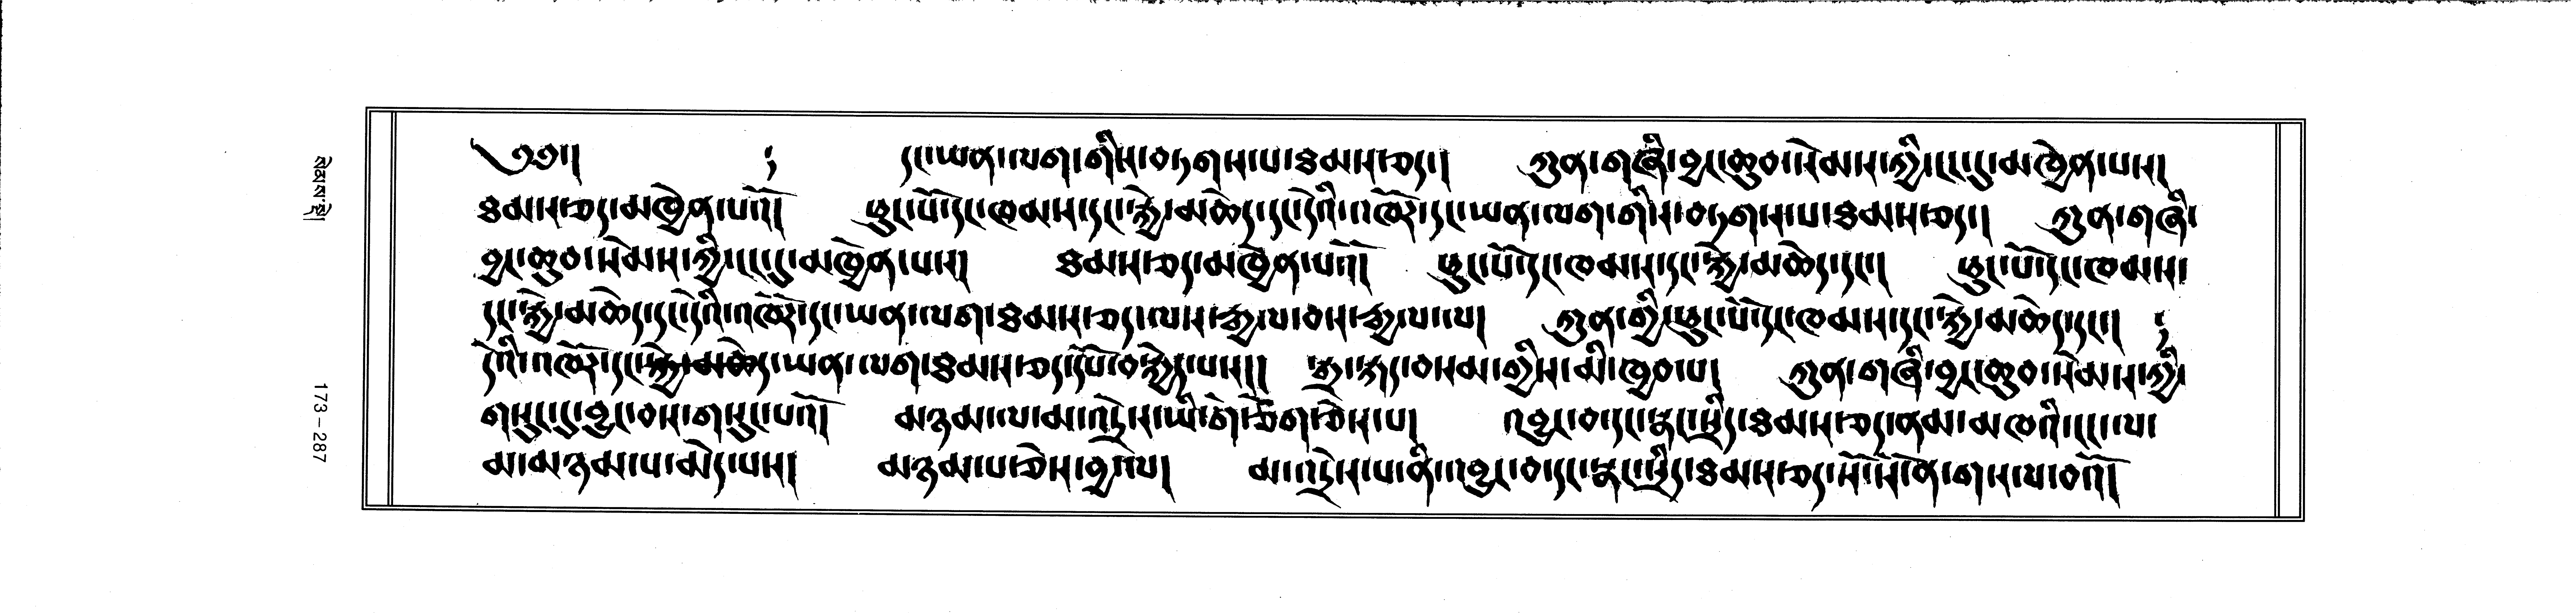དང་ཡན་ལག་གིས་བཏགས་པ་ཐམས་ཅད། ཀུན་གཞི་བྱང་ཆུབ་སེམས་ཀྱི་ངང་དུ་མཁྱེན་པས། 
ཐམས་ཅད་མཁྱེན་པའོ། །ཕུང་པོ་དང་ཁམས་དང་སྐྱེ་མཆེད་དང་དེའི་འཁོར་དང་ཡན་ལག་ཐམས་ཅད། ཀུན་གཞི་
བྱང་ཆུབ་སེམས་ཀྱི་ངང་དུ་མཁྱེན་པས། ཐམས་ཅད་མཁྱེན་པའོ། །ཕུང་པོ་དང་ཁམས་དང་སྐྱེ་མཆེད་དང་། ཕུང་པོ་དང་ཁམས་
དང་རྐྱེ་མཆེད་དང་དེའི་འཁོར་དང་ཡན་ལག་ཐམས་ཅད་ལས་རྒྱལ་བས་རྒྱལ་ལ་ ཀུུན་གྱི་ཕུང་པོ་དང་ཁམས་དང་སྐྱེ་མཆེད་དང་།
དེའི་འཁོར་དང་ཡན་ལག་ཐམས་ཅད་ལས་རྒྱལ་བས་རྒྱལ་ལ། ཀུསྒྲ་སྐད་བསམ་གྱིས་མི་ཁྱབ་པ། ཀུན་གཞི་བྱང་ཆུབ་སེམས་ཀྱི་
གསུང་དུ་བྱུང་བས་གསུངས་པའོ། །མཉམ་ལ་མ་འདྲེས་ཡི་གེ་ཙེག་ཅེས་པ། འབྱུང་བ་དང་སྣང་སྲིད་ཐམས་ཅད་ནམ་མཁའི་ངང་ལ་
མ་མཉམ་པ་མེད་པས། མཉམ་པ་ཅེས་བྱ་ལ། མ་འདྲེས་པ་ནི་འབྱུང་བ་དང་སྣང་སྲིད་ཐམས་ཅད་སོ་སོ་ན་གསལ་བའོ། །